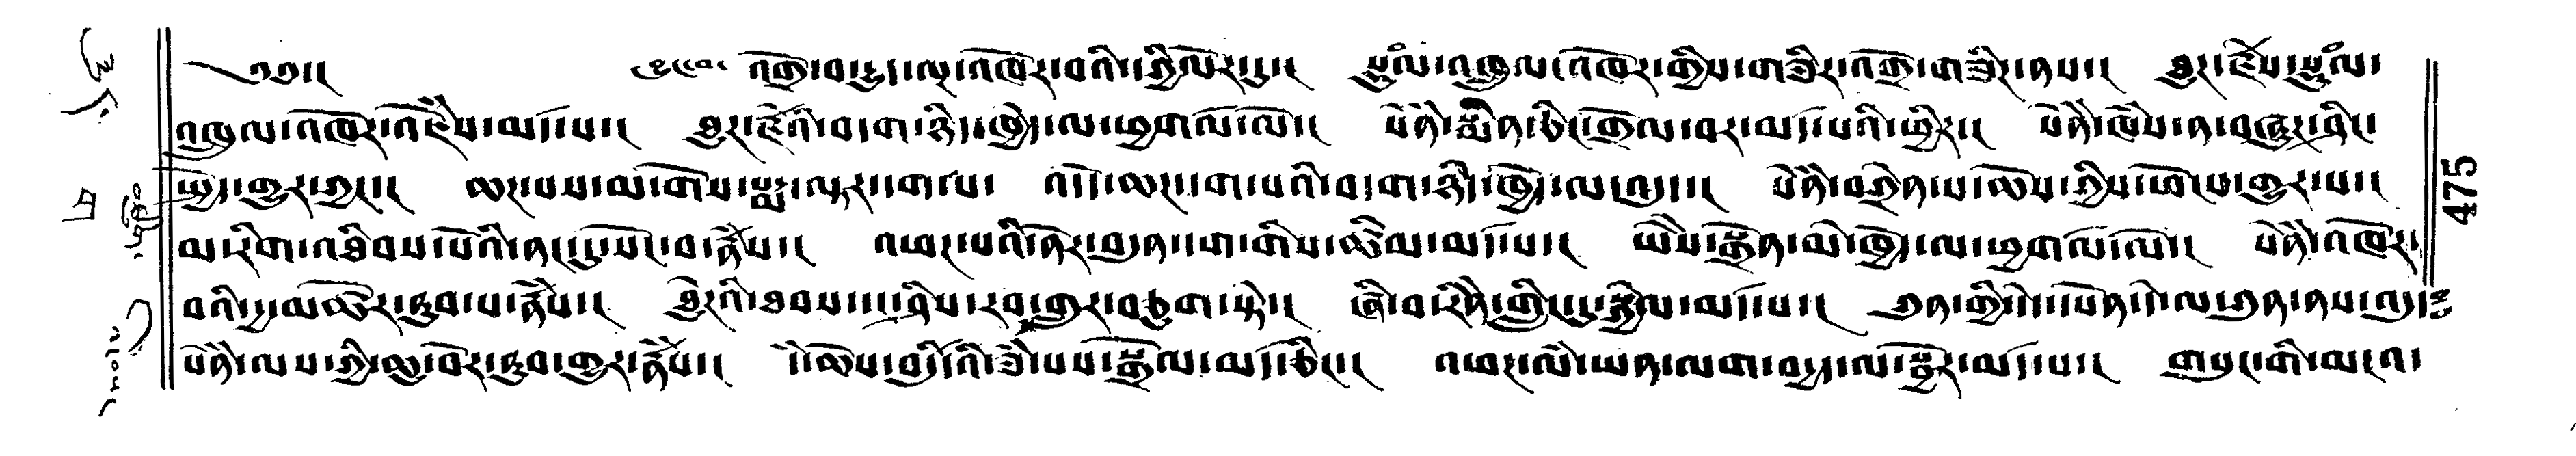བྱུང་བ། འགྲོ་བ་རྒྱུད་ལྔ་འཁོར་བའི་དཀྱིལ་འཁོར་དུ། །སྡུག་བསྔལ་འཁྲུལ་འཁོར་གྱིས་གཟིར་འགྲོ་གཟིགས་ནས། །ཐུགས་རྗེས་སྡུག་བསྔལ་
འཁྲུལ་འཁོར་འཇོམས་མཛད་པ། །ཐུགས་རྗེའི་བདག་ཉིད་ཁྱེད་ལ་ཕྱག་འཚལ་ལོ། །སེམས་ཅན་སྨིན་ཅིང་གྲོལ་བར་མཛད་པའི་ཕྱིར། །སེམས་ཅན་ཁམས་ན་བཞུགས་ཤིང་
སྤྱོད་གྱུར་ཀྱང་། །ཆགས་པས་མ་གོས་པདྨ་ལྟར་དག་པ། །འདོད་ཆགས་དག་པའི་བདག་ཉིད་ཁྱོད་ལ་འདུད། །སེམས་ཅན་བཀྲེན་པ་ཆོས་ཀྱིས་ཕོངས་གྱུར་པ། །
མ་རིག་འཐིབས་པོའི་ནང་དུ་སོང་བ་རྣམས། །འཕགས་པའི་ནོར་བདུན་དག་གིས་ཚིམ་མཛད་པ། །ཡེ་ཤེས་སྒྲོན་མེ་ཁྱོད་ལ་ཕྱག་འཚལ་ལོ། །སེམས་ཅན་འཁོར་
བའི་རྒྱ་མཚོར་ནུབ་པ་རྣམས། །ཐུགས་རྗེའི་ཐབས་དང་ཤེས་རབ་གྲུར་བཅུག་སྟེ། །ཞི་བ་རིན་ཆེན་གླིང་དུ་སྐྱེལ་མཛད་པ། །ཀུན་གྱི་དེད་དཔོན་དེ་ལ་ཀུན་ནས་འདུད། 
སེམས་ཅན་ལས་ཀྱི་ཆུ་བོར་ནུབ་གྱུར་རྣམས། །དམ་ཆོས་བདུད་རྩིའི་ཟམ་པས་སྒྲོལ་མཛད་ཅིང་། །འཕགས་ལམ་ཡན་ལག་བརྒྱད་ལ་སྦྱོར་མཛད་པ། །གསུང་གི་མངའ་